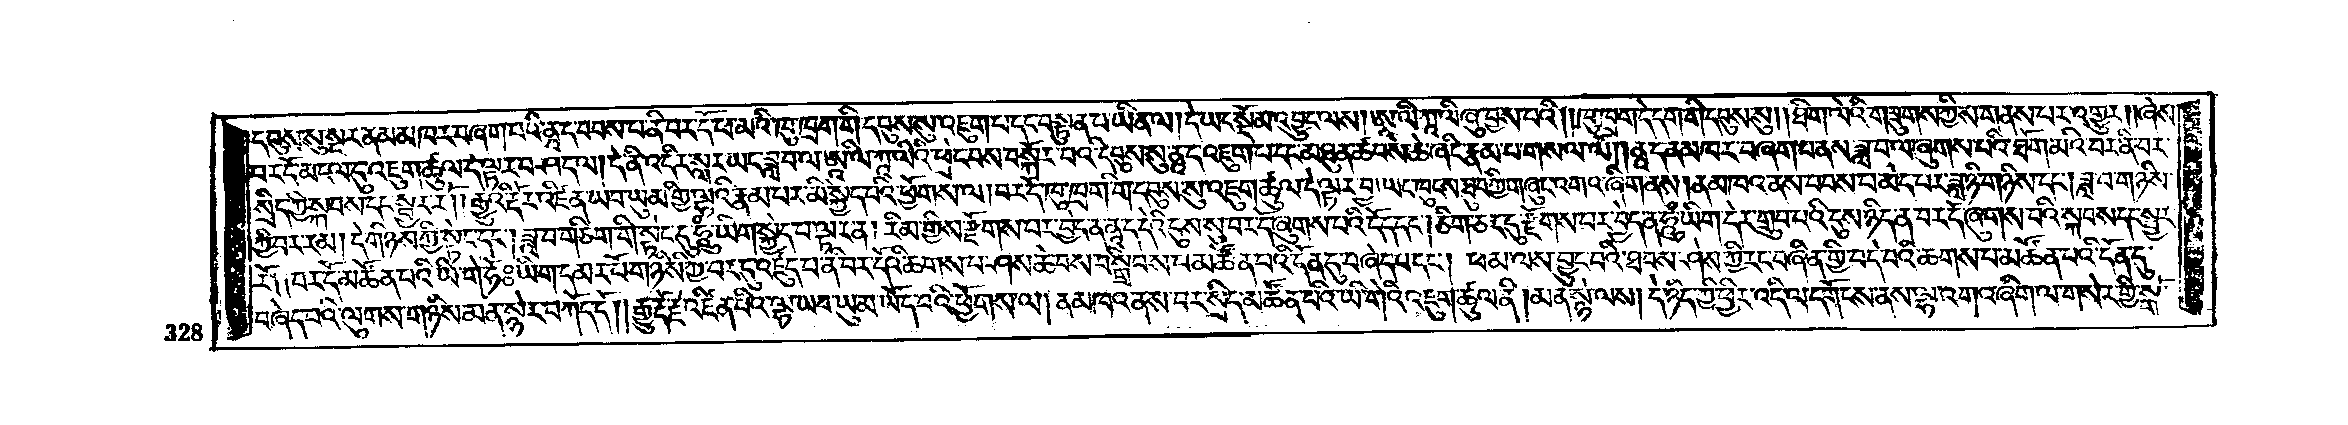དབུས་སུ་སྔར་ནམ་མཁར་བཞག་པའི་ནཱ་ད་བབས་པ་ནི་བར་དོ་ཕ་མའི་ཁུ་ཁྲག་གི་དབུས་སུ་འཇུག་པ་དང་བསྟུན་པ་ཡིན་ལ། དེ་ཡང་སྡོམ་འབྱུང་ལས། ཨཱ་ལི་ཀཱ་ལི་ཞུ་བྱས་པའི། །ཁུ་ཁྲག་དེ་དག་གི་དབུས་སུ། །ཐིག་ལེའི་གཟུགས་ཀྱིས་གནས་པར་འགྱུར། །ཞེས་
བར་དོ་མངལ་དུ་འཇུག་ཚུལ་དེ་ལྟར་བཤད་ལ། དེ་ནི་འདིར་སླར་ཡང་ཟླ་བ་ལ་ཨཱ་ལི་ཀཱ་ལིའི་ཕྲེང་བས་བསྐོར་བའི་དབུས་སུ་ནཱ་ད་འཇུག་པ་དང་མཐུན་ཚབས་ཆེ་ཞིང་རྣམ་པ་གསལ་ལོ། །ནཱ་ད་ནམ་མཁར་བཞག་པ་ནས་ཟླ་བ་ལ་ཞུགས་པའི་ཐོག་མའི་བར་ནི་བར་
སྲིད་ཀྱི་སྐབས་དང་སྦྱར་རོ། །རྒྱུའི་རྡོར་འཛིན་ཡབ་ཡུམ་གྱི་ལྷའི་རྣམ་པར་མི་སྐྱེད་པའི་ཕྱོགས་ལ། བར་དོ་ཁུ་ཁྲག་གི་དབུས་སུ་འཇུག་ཚུལ་དེ་ལྟར་བྱ། ཡང་ཁུངས་ཐུབ་ཀྱི་གཞུང་འགའ་ཞིག་ནས། ནམ་མཁའ་ནས་བབས་པ་མེད་པར་ཟླ་ཉི་གཉིས་དང་། ཟླ་བ་གཉིས་
ཀྱི་བར་རམ། དེ་གཉིས་ཀྱི་སྟེང་དང་། ཟླ་བ་གཅིག་གི་སྟེང་དུ་ཧཱུཾ་ཡིག་སྐྱེད་པ་ལྟར་ན། རིམ་གྱིས་རྫོགས་པར་བྱེད་ན་ནཱ་ད་དེའི་དུས་སུ་བར་དོ་ཞུགས་པའི་དོད་དང་། ཅིག་ཅར་དུ་རྫོགས་པར་བྱེད་ན་ཧཱུཾ་ཡིག་དེར་གྲུབ་པའི་དུས་ཉིད་ན་བར་དོ་ཞུགས་པའི་སྐབས་དང་སྦྱར་
རོ། །བར་དོ་མཚོན་པའི་ཡི་གེ་ཧོཿ ཡིག་དམར་པོ་གཉིས་ཀྱི་བར་དུ་འཛུད་པ་ནི་བར་དོའི་ཆགས་པ་ཤས་ཆེ་བས་བསྒྲིབས་པ་མཚོན་པའི་དོན་དུ་བཞེད་པ་དང་། ཕ་མ་ལས་བྱུང་བའི་ཐབས་ཤེས་ཀྱི་རང་བཞིན་གྱི་བདེ་བའི་ཆགས་པ་མཚོན་པའི་དོན་དུ་
བཞེད་པའི་ལུགས་གཉིས་མན་སྙེར་བཀོད་དོ། །རྒྱུ་རྡོ་རྗེ་འཛིན་པའི་ལྷ་ཡབ་ཡུམ་ཡོད་པའི་ཕྱོགས་ལ། ནམ་མཁའ་ནས་བར་སྲིད་མཚོན་པའི་ཡི་གེའི་འཇུག་ཚུལ་ནི། མན་སྙེ་ལས། དེ་ཉིད་ཀྱི་ཕྱིར་འདི་ལ་དགོངས་ནས་ལྷ་འགའ་ཞིག་ལ་གསར་གྱི་སྒོ་